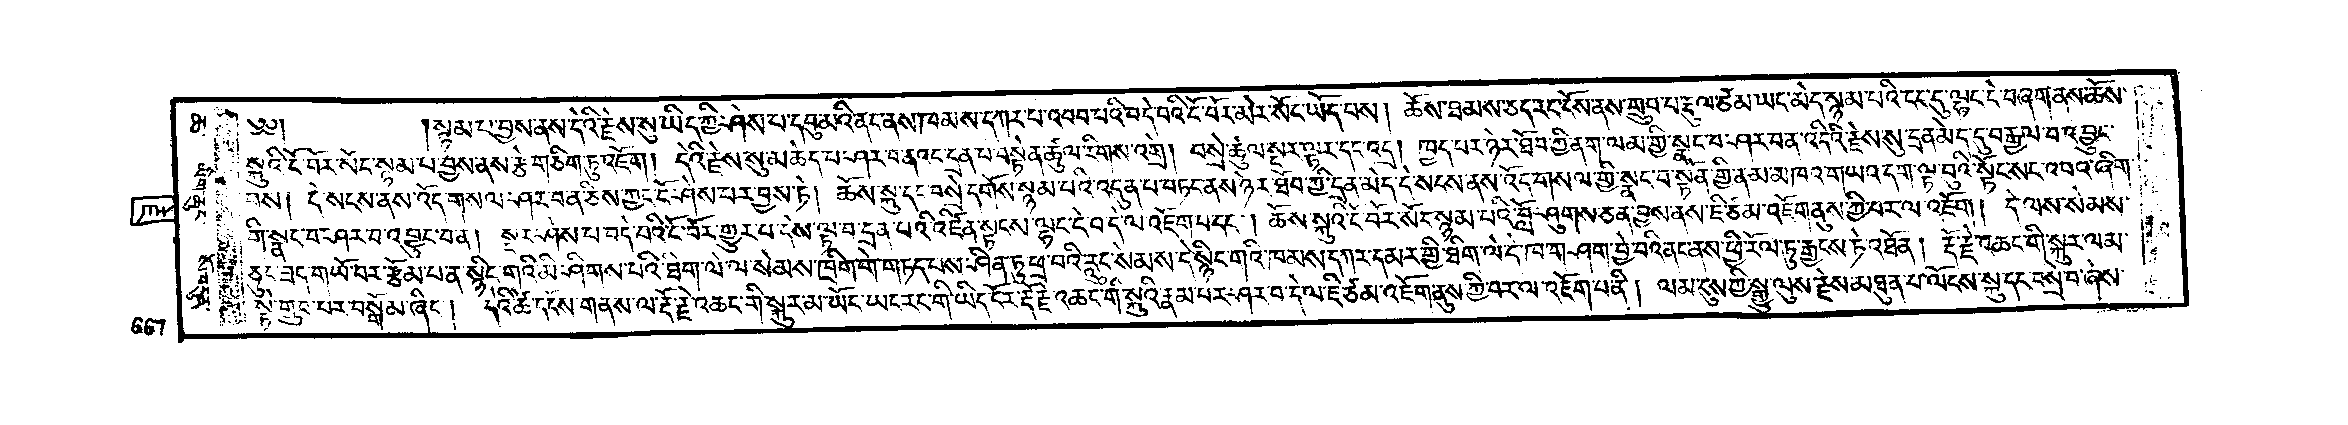༄༅། །སྙམ་པ་བྱས་ནས་དེའི་རྗེས་སུ་ཡིད་ཀྱི་ཤེས་པ་དབུ་མའི་ནང་ནས་ཁམས་དཀར་པ་འབབ་པའི་བདེ་བའི་ངོ་བོར་མེར་སོང་ཡོད་པས། ཆོས་ཐམས་ཅད་རང་ངོས་ནས་གྲུབ་པ་རྡུལ་ཙམ་ཡང་མེད་སྙམ་པའི་ངང་དུ་ལྷང་ངེ་བཞག་ནས་ཆེས་
སྐུའི་ངོ་བོར་སོང་སྙམ་པ་བྱས་ནས་རྩེ་གཅིག་ཏུ་འཇོག །དེའི་རྗེས་སུ་མཆེད་པ་ཤར་བ་ནའང་དྲན་པ་བསྟེན་ཚུལ་རིགས་འགྲོ། བསྲེ་ཚུལ་སྔར་ལྟར་དང་འདྲ། ཁྱད་པར་ཉེར་ཐོབ་ཀྱི་ནག་ལམ་གྱི་སྣང་བ་ཤར་བ་ན་འདིའི་རྗེས་སུ་དྲན་མེད་དུ་བརྒྱལ་བ་འབྱུང་
བས། དེ་སངས་ནས་འོད་གསལ་ཤར་བ་ན་ཅིས་ཀྱང་ངོ་ཤེས་པར་བྱས་ཏེ། ཆོས་སྐུ་དང་བསྲེ་དགོས་སྙམ་པའི་འདུན་པ་བཏང་ནས་ཉེར་ཐོབ་ཀྱི་དྲན་མེད་དེ་སངས་ནས་འོད་གསལ་གྱི་སྣང་བ་སྟོན་གྱི་ནམ་མཁའ་གཡའ་དག་ལྟ་བུའི་སྟོང་སང་འབའ་ཞིག་
གི་སྣང་བ་ཤར་བ་འབྱུང་བ་ན། སྔར་ཤེས་པ་བདེ་བའི་ངོ་བོར་གྱུར་པ་དེས་ལྟ་བ་དྲན་པའི་འཛིན་སྟངས་ལྷང་ངེ་བ་དེ་ལ་འཇོག་པ་དང་། ཆོས་སྐུའི་ངོ་བོར་སོང་སྙམ་པའི་བློ་ཤུགས་ཅན་བྱས་ནས་ཇི་ཙམ་འཇོག་ནུས་ཀྱི་བར་ལ་འཇོག །དེ་ལས་སེམས་
ཅུང་ཟད་གཡོ་བར་རྩོམ་པ་ན་སྙིང་གའི་མི་ཤིགས་པའི་ཐིག་ལེ་ལ་སེམས་ཁྲིག་གེ་གཏད་པས་ཤིན་ཏུ་ཕྲ་བའི་རླུང་སེམས་དེ་སྙིང་གའི་ཁམས་དཀར་དམར་གྱི་ཐིག་ལེ་དེ་ཁ་གཤག་བྱེ་བའི་ནང་ནས་ཕྱི་རོལ་ཏུ་རྒྱངས་ཏེ་འཐོན། རྡོ་རྗེ་འཆང་གི་སྐུར་ལམ་
སྟེ་གྲུབ་པར་བསྒོམ་ཞིང་། དེའི་ཚེ་དངོས་གནས་ལ་རྡོ་རྗེ་འཆང་གི་སྐུར་མ་སོང་ཡང་རང་གི་ཡིད་ངོར་རྡོ་རྗེ་འཆང་གི་སྐུའི་རྣམ་པར་ཤར་བ་དེ་ལ་ཇི་ཙམ་འཇོག་ནུས་ཀྱི་བར་ལ་འཇོག་པ་ནི། ལམ་དུས་ཀྱི་སྒྱུ་ལུས་རྗེས་མཐུན་པ་ལོངས་སྐུ་དང་བསྲེ་བ་ཞེས་